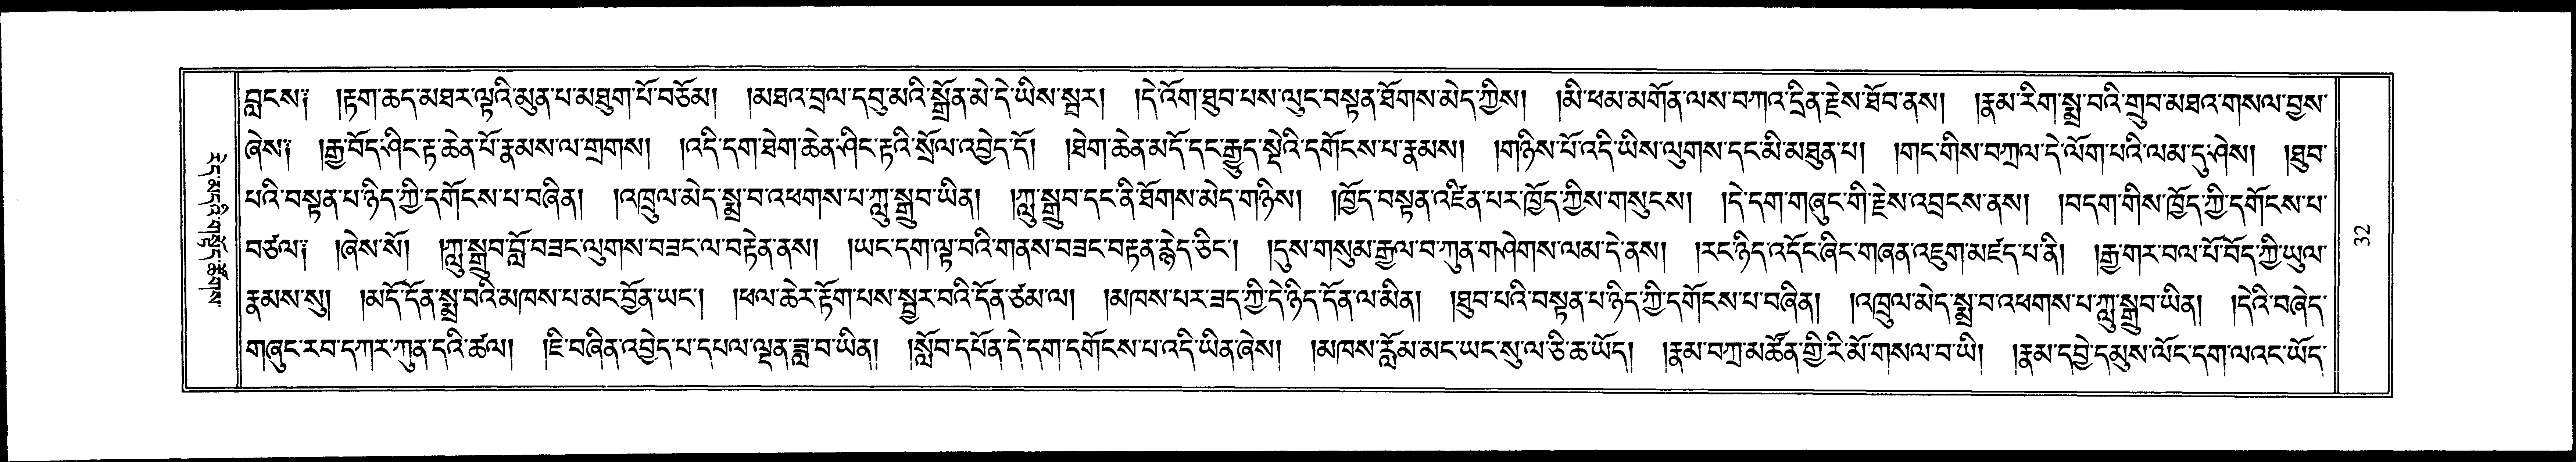བླངས། །རྟག་ཆད་མཐར་ལྟའི་མུན་པ་མཐུག་པོ་བཅོམ། །མཐར་བྲལ་དབུ་མའི་སྒྲོན་མེ་དེ་ཡིས་སྤར། །དེ་འོག་ཐུབ་པས་ལུང་བསྟན་ཐོགས་མེད་ཀྱིས། །མི་ཕམ་མགོན་ལས་བཀའ་དྲིན་རྗེས་ཐོབ་ནས། །རྣམ་རིག་སྨྲ་བའི་གྲུབ་མཐའ་གསལ་བྱས་
ཞེས། །རྒྱ་བོད་ཤིང་རྟ་ཆེན་པོ་རྣམས་ལ་གྲགས། །འདི་དག་ཐེག་ཆེན་ཤིང་རྟའི་སྲོལ་འབྱེད་དོ། །ཐེག་ཆེན་མདོ་དང་རྒྱུད་སྡེའི་དགོངས་པ་རྣམས། །གཉིས་པོ་འདི་ཡིས་ལུགས་དང་མི་མཐུན་པ། །གང་གིས་བཀྲལ་དེ་ལོག་པའི་ལམ་དུ་ཤེས། །ཐུབ་
པའི་བསྟན་པ་ཉིད་ཀྱི་དགོངས་པ་བཞིན། །འཁྲུལ་མེད་སྨྲ་བ་འཕགས་པ་ཀླུ་སྒྲུབ་ཡིན། །ཀླུ་སྒྲུབ་དང་ནི་ཐོགས་མེད་གཉིས། །ཁྱོད་བསྟན་འཛིན་པར་ཁྱོད་ཀྱིས་གསུངས། །དེ་དག་གཞུང་གི་རྗེས་འབྲངས་ནས། །བདག་གིས་ཁྱོད་ཀྱི་དགོངས་པ་
བཙལ། །ཞེས་སོ། །ཀླུ་སྒྲུབ་བློ་བཟང་ལུགས་བཟང་ལ་བརྟེན་ནས། །ཡང་དག་ལྟ་བའི་གནས་བཟང་བརྟན་རྙེད་ཅིང་། །དུས་གསུམ་རྒྱལ་བ་ཀུན་གཤེགས་ལམ་དེ་ནས། །རང་ཉིད་འདོང་ཞིང་གཞན་འཇུག་མཛད་པ་ནི། །རྒྱ་གར་བལ་པོ་བོད་ཀྱི་ཡུལ་
རྣམས་སུ། །མདོ་དོན་སྨྲ་བའི་མཁས་པ་མང་བྱོན་ཡང་། །ཕལ་ཆེར་རྟོག་པས་སྦྱར་བའི་དོན་ཙམ་ལ། །མཁས་པར་ཟད་ཀྱི་དེ་ཉིད་དོན་ལ་མིན། །ཐུབ་པའི་བསྟན་པ་ཉིད་ཀྱི་དགོངས་པ་བཞིན། །འཁྲུལ་མེད་སྨྲ་བ་འཕགས་པ་ཀླུ་སྒྲུབ་ཡིན། །དེའི་བཞེད་
གཞུང་རབ་དཀར་ཀུན་དའི་ཚལ། །ཇི་བཞིན་འབྱེད་པ་དཔལ་ལྡན་ཟླ་བ་ཡིན། །སློབ་དཔོན་དེ་དག་དགོངས་པ་འདི་ཡིན་ཞེས། །མཁས་རློམ་མང་ཡང་སུ་ལ་ཅི་ཆ་ཡོད། །རྣམ་བཀྲ་མཚོན་གྱི་རི་མོ་གསལ་བ་ཡི། །རྣམ་དབྱེ་དམུས་ལོང་དག་ལའང་ཡོད་